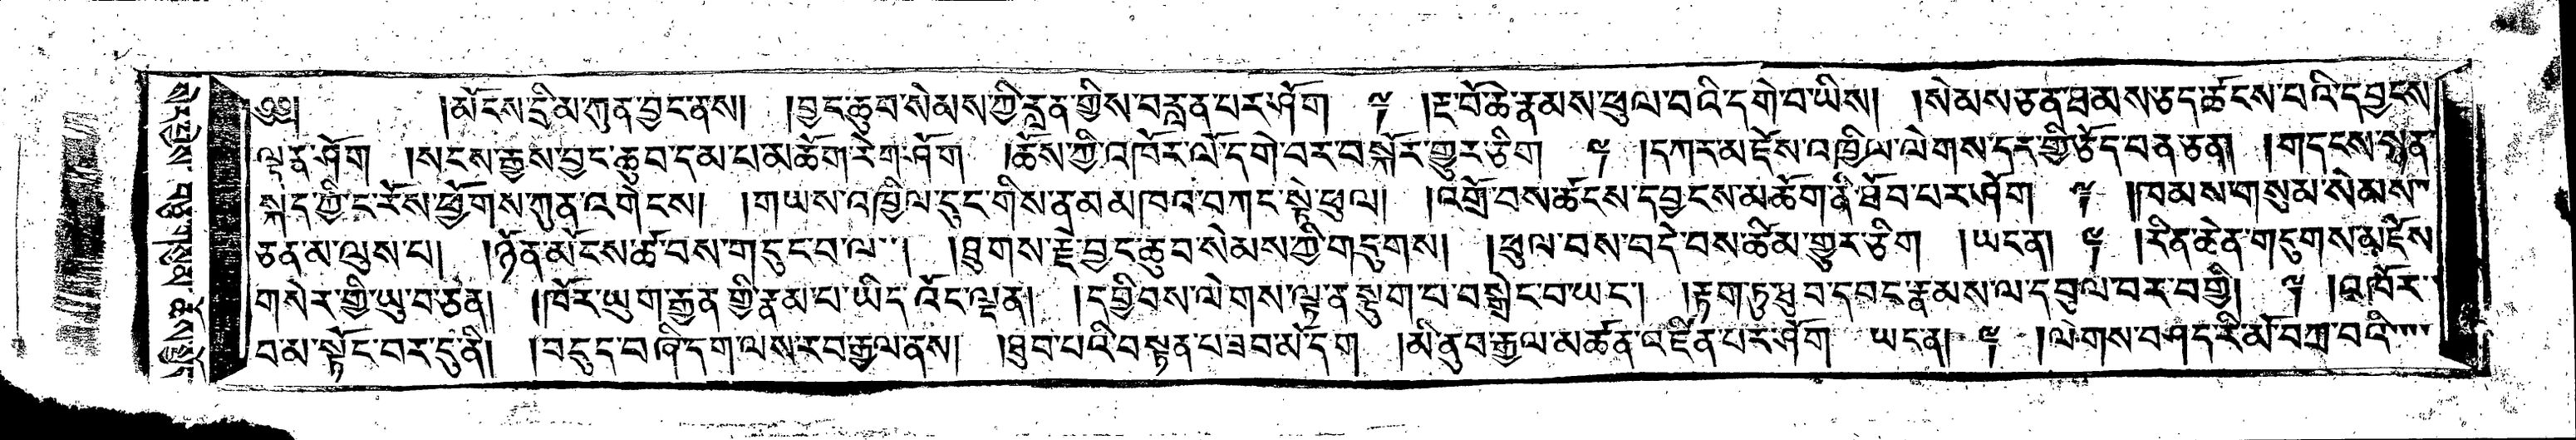༄༅། །མོངས་དྲི་མ་ཀུན་བྱང་ནས། །བྱང་ཆུབ་སེམས་ཀྱི་རླན་གྱིས་བརླན་པར་ཤོག ༈ །རྔ་བོ་ཆེ་རྣམས་ཕུལ་བའི་དགེ་བ་ཡིས། །སེམས་ཅན་ཐམས་ཅད་ཚངས་པའི་དབྱངས་
ལྡན་ཤོག །སངས་རྒྱས་བྱང་ཆུབ་དམ་པ་མཆོག་རེག་ཤོག །ཆོས་ཀྱི་འཁོར་ལོ་དགེ་བར་བསྐོར་གྱུར་ཅིག ༈ །དཀར་མཛེས་འཁྱིལ་ལེགས་དར་གྱི་ཅོད་བན་ཅན། །གདངས་སྙན་
སྐད་ཀྱི་ང་རོས་ཕྱོགས་ཀུན་འགེངས། །གཡས་འཁྱིལ་དུང་གིས་ནམ་མཁའ་བཀང་སྟེ་ཕུལ། །འགྲོ་བས་ཚངས་དབྱངས་མཆོག་ནི་ཐོབ་པར་ཤོག ༈ །ཁམས་གསུམ་སེམས་
ཅན་མ་ལུས་པ། །ཉོན་མོངས་ཚ་བས་གདུང་བ་ལ། །ཐུགས་རྗེ་བྱང་ཆུབ་སེམས་ཀྱི་གདུགས། །ཕུལ་བས་བདེ་བས་ཚིམ་གྱུར་ཅིག །ཡང་ན། ༈ །རིན་ཆེན་གདུགས་མཛེས་
གསེར་གྱི་ཡུ་བ་ཅན། །ཁོར་ཡུག་རྒྱན་གྱི་རྣམ་པ་ཡིད་འོང་ལྡན། །དབྱིབས་ལེགས་ལྟ་ན་སྡུག་པ་བསྒྲེང་བ་ཡང་། །རྟག་ཏུ་ཐུབ་དབང་རྣམས་ལ་དབུལ་བར་བགྱི། ༈ །འཁོར་
བ་མ་སྟོང་བར་དུ་ནི། །བདུད་བཞི་དག་ལས་རབ་རྒྱལ་ནས། །ཐུབ་པའི་བསྟན་པ་ཟབ་མོ་དག །མི་ནུབ་རྒྱལ་མཚན་འཛིན་པར་ཤོག །ཡང་ན། ༈ །ལེགས་བཤད་རི་མོ་བཀྲ་བའི་